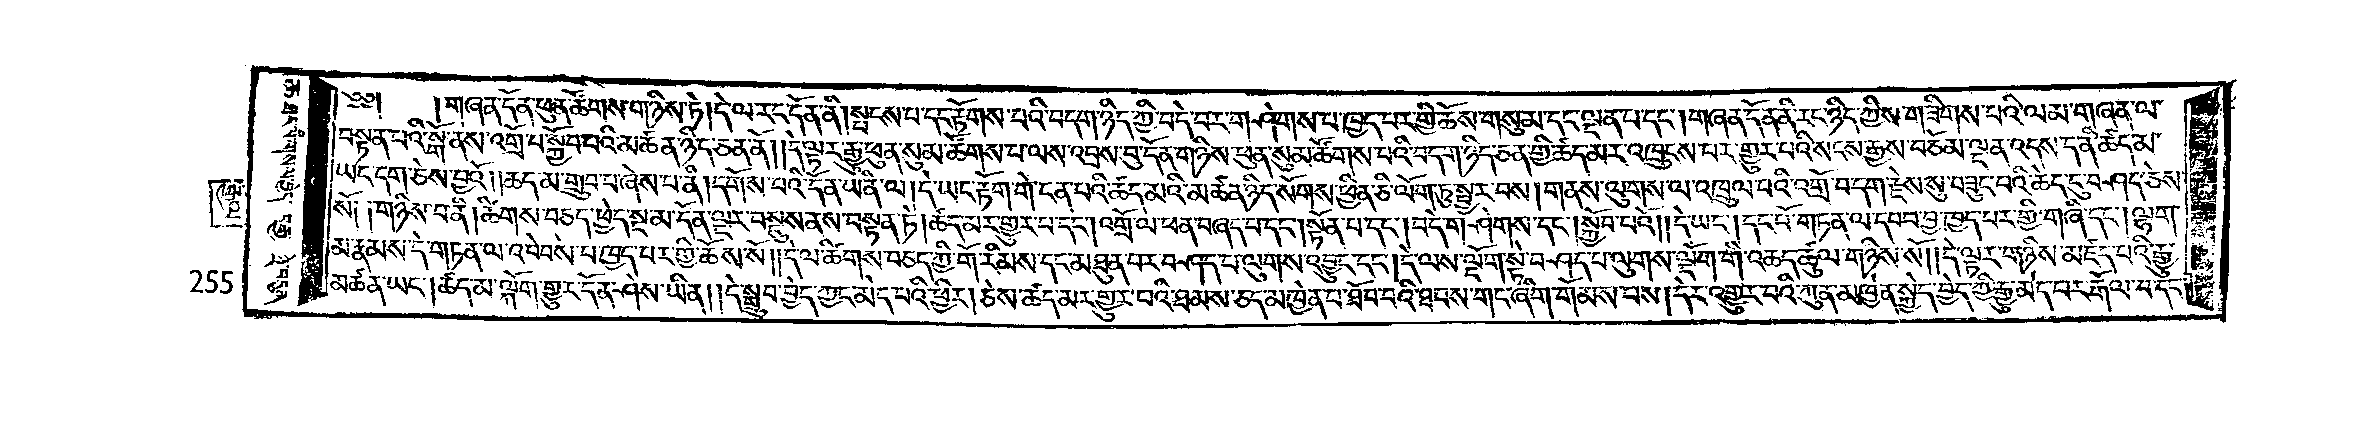༄༅། །གཞན་དོན་ཕུན་ཚོགས་གཉིས་ཏེ། དེ་ལ་རང་དོན་ནི། སྤངས་པ་དང་རྟོགས་པའི་བདག་ཉིད་ཀྱི་བདེ་བར་གཤེགས་པ་ཁྱད་པར་གྱི་ཆོས་གསུམ་དང་ལྡན་པ་དང་། གཞན་དོན་ནི་རང་ཉིད་ཀྱིས་གཟིགས་པའི་ལམ་གཞན་ལ་
བསྟན་པའི་སྒོ་ནས་འགྲོ་བ་སྐྱོབ་པའི་མཚན་ཉིད་ཅན་ནོ། །དེ་ལྟར་རྒྱུ་ཕུན་སུམ་ཚོགས་པ་ལས་འབྲས་བུ་དོན་གཉིས་ཕུན་སུམ་ཚོགས་པའི་བདག་ཉིད་ཅན་གྱི་ཚད་མར་འཁྲུངས་པར་གྱུར་པའི་སངས་རྒྱས་བཅོམ་ལྡན་འདས་དེ་ནི་ཚད་མ་
ཡང་དག་ཅེས་བྱའོ། །ཚད་མ་གྲུབ་པ་ཞེས་པ་ནི། དགོས་པའི་དོན་ཡིན་ལ། དེ་ཡང་རྟོག་གོ་ངན་པའི་ཚད་མའི་མཚན་ཉིད་སོགས་ཕྱིན་ཅི་ལོག་ཏུ་སྦྱར་བས། གནས་ལུགས་ལ་འཁྲུལ་པའི་འགྲོ་བ་དག་རྗེས་སུ་བཟུང་བའི་ཆེད་དུ་བཤད་ཅེས་
སོ། །གཉིས་པ་ནི། ཚིགས་བཅད་ཕྱེད་སྔ་མ་དོན་ལྔར་བསྡུས་ནས་བསྟན་ཏེ། ཚད་མར་གྱུར་པ་དང་། འགྲོ་ལ་ཕན་བཞད་པ་དང་། སྟོན་པ་དང་། བདེ་གཤེགས་དང་། སྐྱོབ་པའོ། །དེ་ཡང་། དང་པོ་གཏན་ལ་དབབ་བྱ་ཁྱད་པར་གྱི་གཞི་དང་། ལྷག་
མ་རྣམས་དེ་གཏན་ལ་འབེབས་པ་ཁྱད་པར་གྱི་ཆོས་སོ། །དེ་ལ་ཚིགས་བཅད་ཀྱི་གོ་རིམས་དང་མཐུན་པར་བཤད་པ་ལུགས་འབྱུང་དང་། དེ་ལས་ལྡོག་སྟེ་བཤད་པ་ལུགས་ལྡོག་གི་འཆད་ཚུལ་གཉིས་སོ། །དེ་ལྟར་གཉིས་མཛད་པའི་རྒྱུ་
མཚན་ཡང་། ཚད་མ་ལྐོག་གྱུར་དོན་ཤེས་ཡིན། །དེ་སྒྲུབ་བྱེད་ཀྱང་མེད་པའི་ཕྱིར། ཅེས་ཚད་མར་གྱུར་པའི་ཐམས་ཅད་མཁྱེན་པ་ཐོབ་པའི་ཐབས་གང་ཞིག་གོམས་པས། དེར་འགྱུར་བའི་ཀུན་མཁྱེན་སྐྱེད་བྱེད་ཀྱི་རྒྱུ་མེད་པར་རྒོལ་བ་དང་